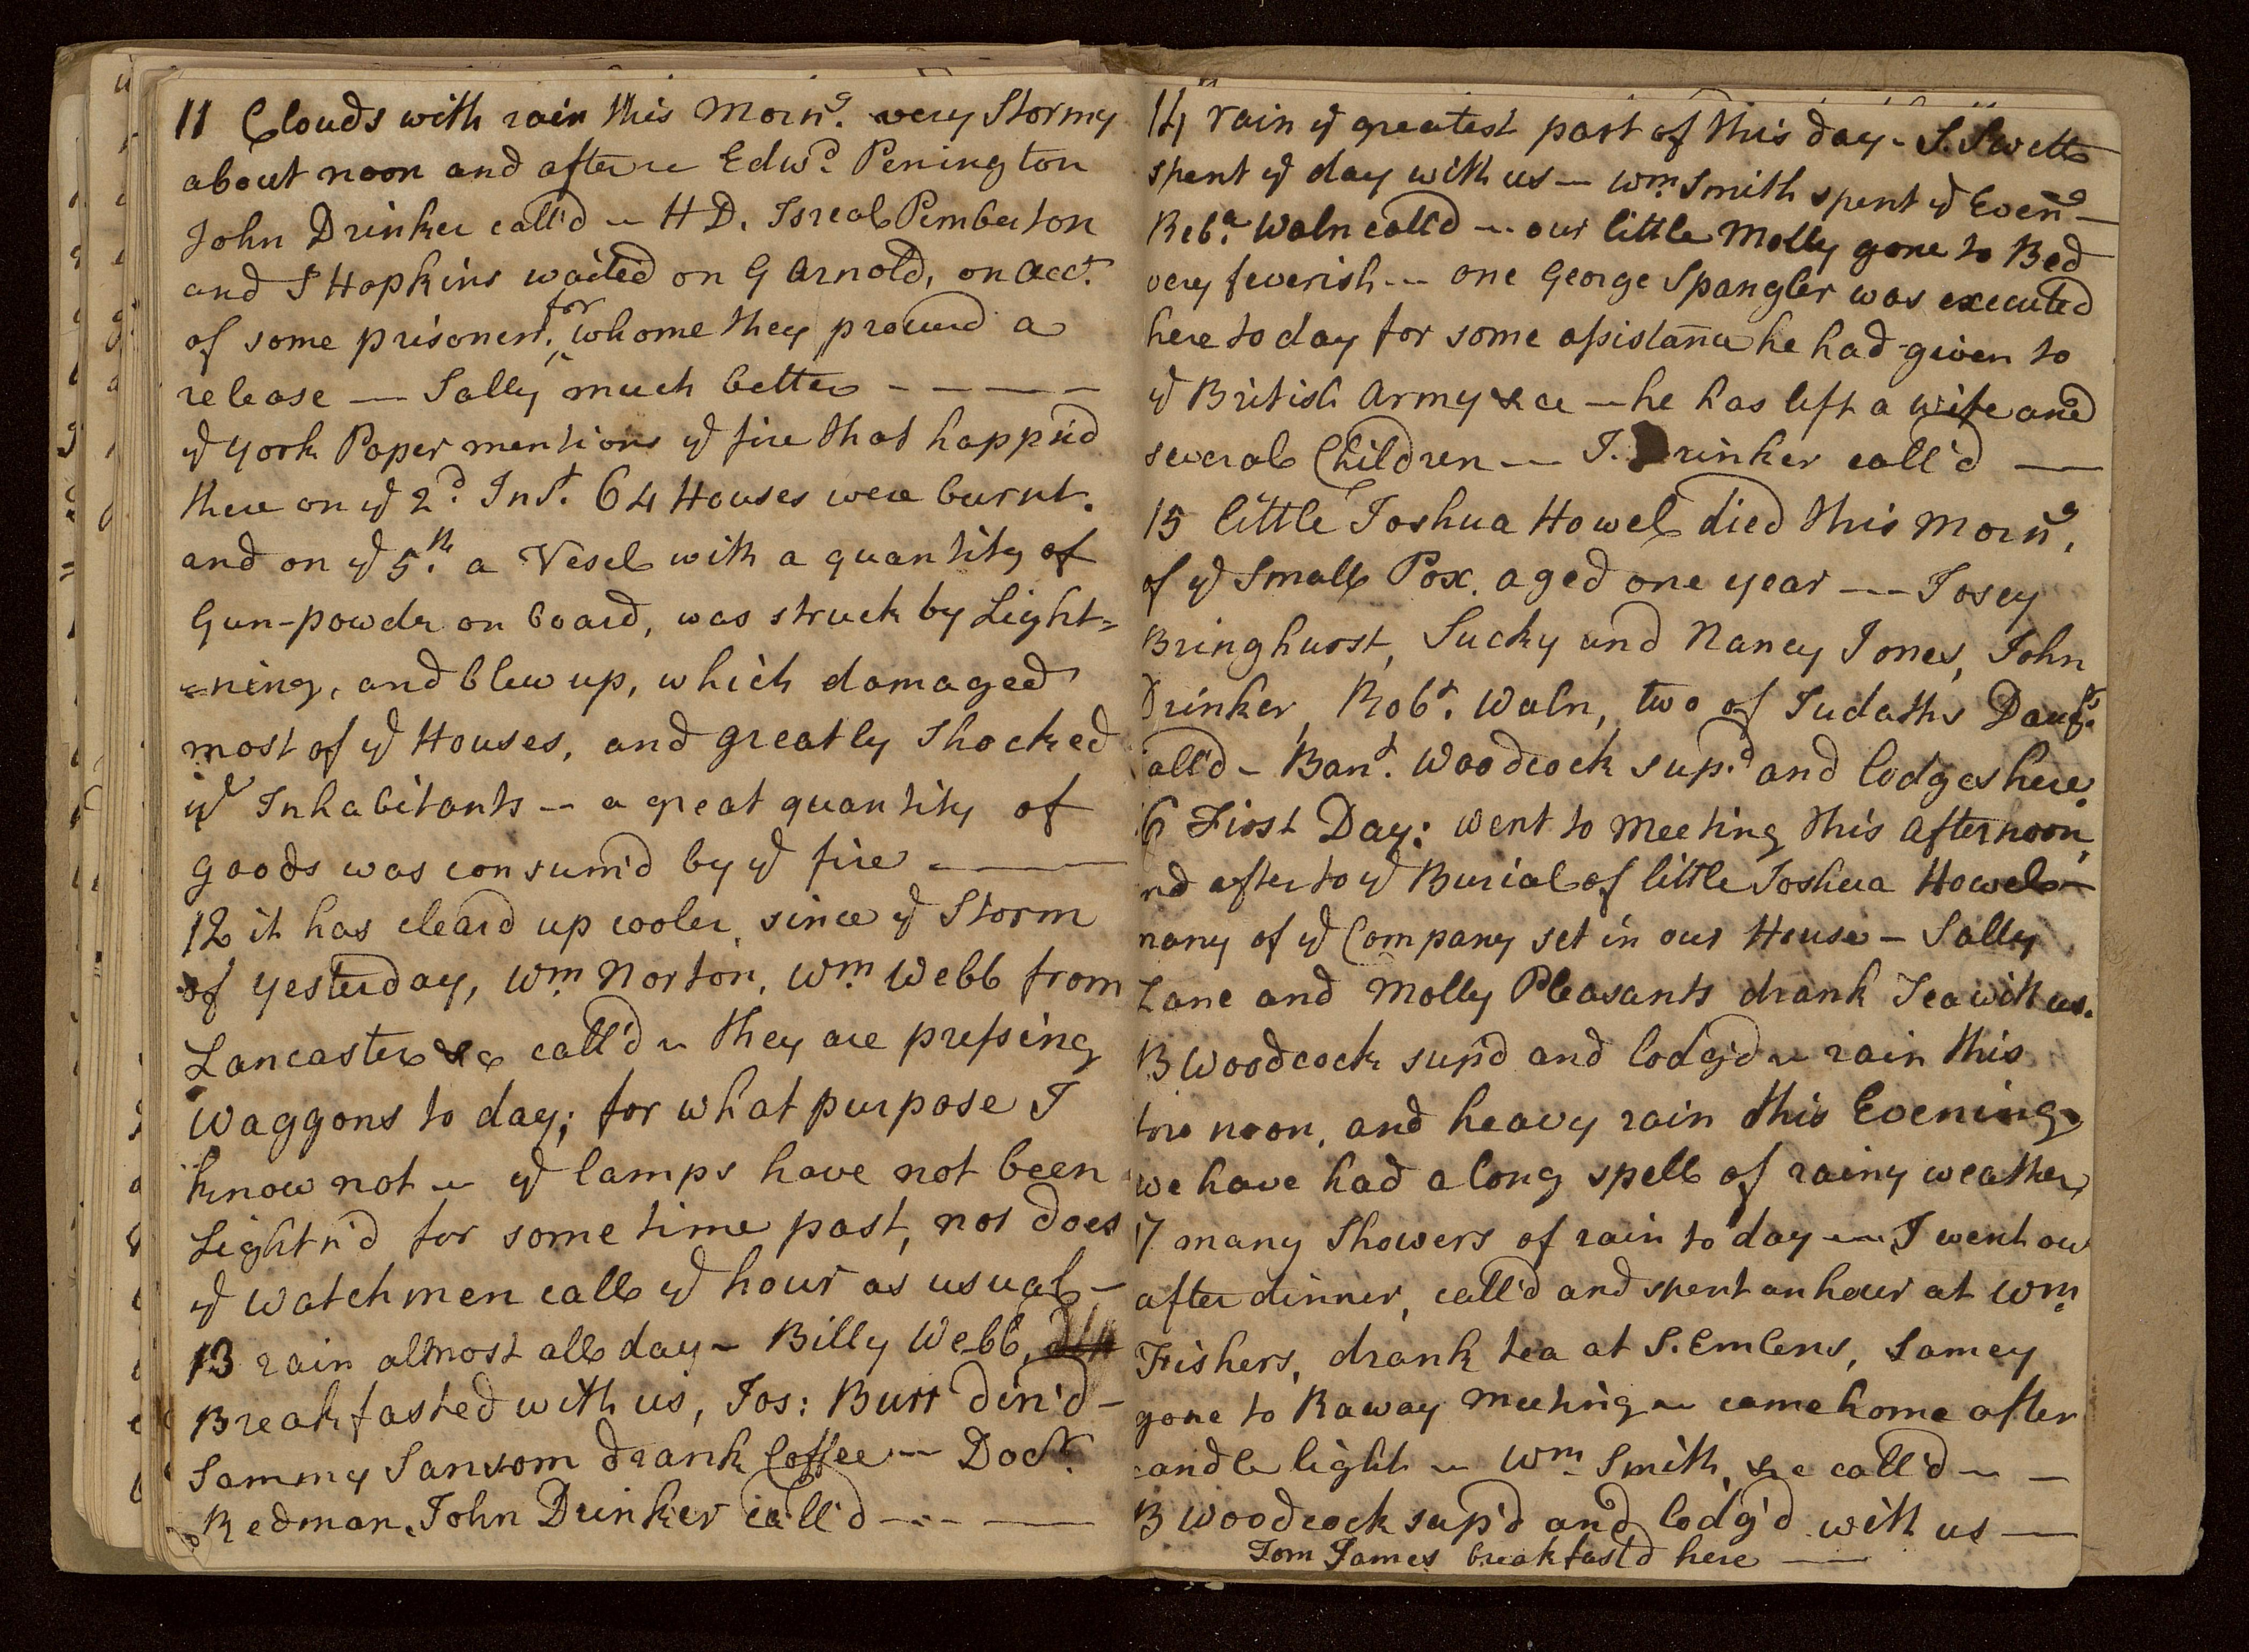11 Clouds with rain this Morn^g very Stormy
about noon and after- Edw^d. Pening ton
John D rinker call'd- H D. Isreal Pemberton
and S Hopkins waited on G Arnold, on acc^t.
of some prisoner. ^for whome they procurd a
release- Sally much better--
y^e York Paper mentions y^e fire that happn'd
there on y^e 2^d. Ins^t. 64 Houses were burnt.
and on y^e 5^th a Vesel with a quantity of
Gun-powder on board, was struck by Light-
-ning, and blew up, which damaged
most of y^e Houses, and greatly shocked
y^e Inhabitants- a great quantity of
goods was consum'd by y^e fire -
12 it has cleard up cooler, since y^e storm
of yesterday, W^m Norton, W^m Webb from
Lancaster &c call'd- they are pressing
Waggons to day; for what purpose I
know not- y^e Camps have not been
Lightn'd for some time past, nor does
y^e Watchmen call y^e hour as usual-
13 rain almost all day- Billy Webb, [__]
Breakfasted with us, Jos: Burr din'd-
Sammy Sansom drank Coffee- Doc.^r
Redman, John Drinker call'd-
14 rain y^e greatest past of this day- S Swett
spent y^e day with us- W^m. Smith spent y^e Even^g-
Reb^a. Waln calld- our little Molly gone to Bed
very feverish-- one George Spangler was executed
here to day for some assistance he had given to
y^e British Army &c -he has left a wife and
several Children- J. Drinker call'd
15 little Joshua Howel died this Morn.^g
of y^e Small Pox aged on year- Josey
Bringhurst, Sucky and Nancy Jones, John
Drinker, Rob^r. Waln, two of Judaths Daug^rs
all'd- Ban^t. Woodcock sup^d and lodges here.
6 First Day: went to meeting this afternoon,
nd after to y^e Burial of little Joshua Howel-
nany of y^e Company set in our House- Sally
Zane and Molly Pleasants drank tea with us
B Woodcock sup'd and lodg'd- rain this
fore noon, and heavy rain this Evening.
we have had a long spill of rainy weather
17 many Showers of rain to day- I went ou
after dinner, call'd and spent an hour at W^m.
Fishers, drank tea at S. Emlens, Samey
gone to Raway meeting- came home after
candle light- W^m. Smith, &c call'd
B Woodcock sup'd and lodg'd with us
Tom James breakfastd here